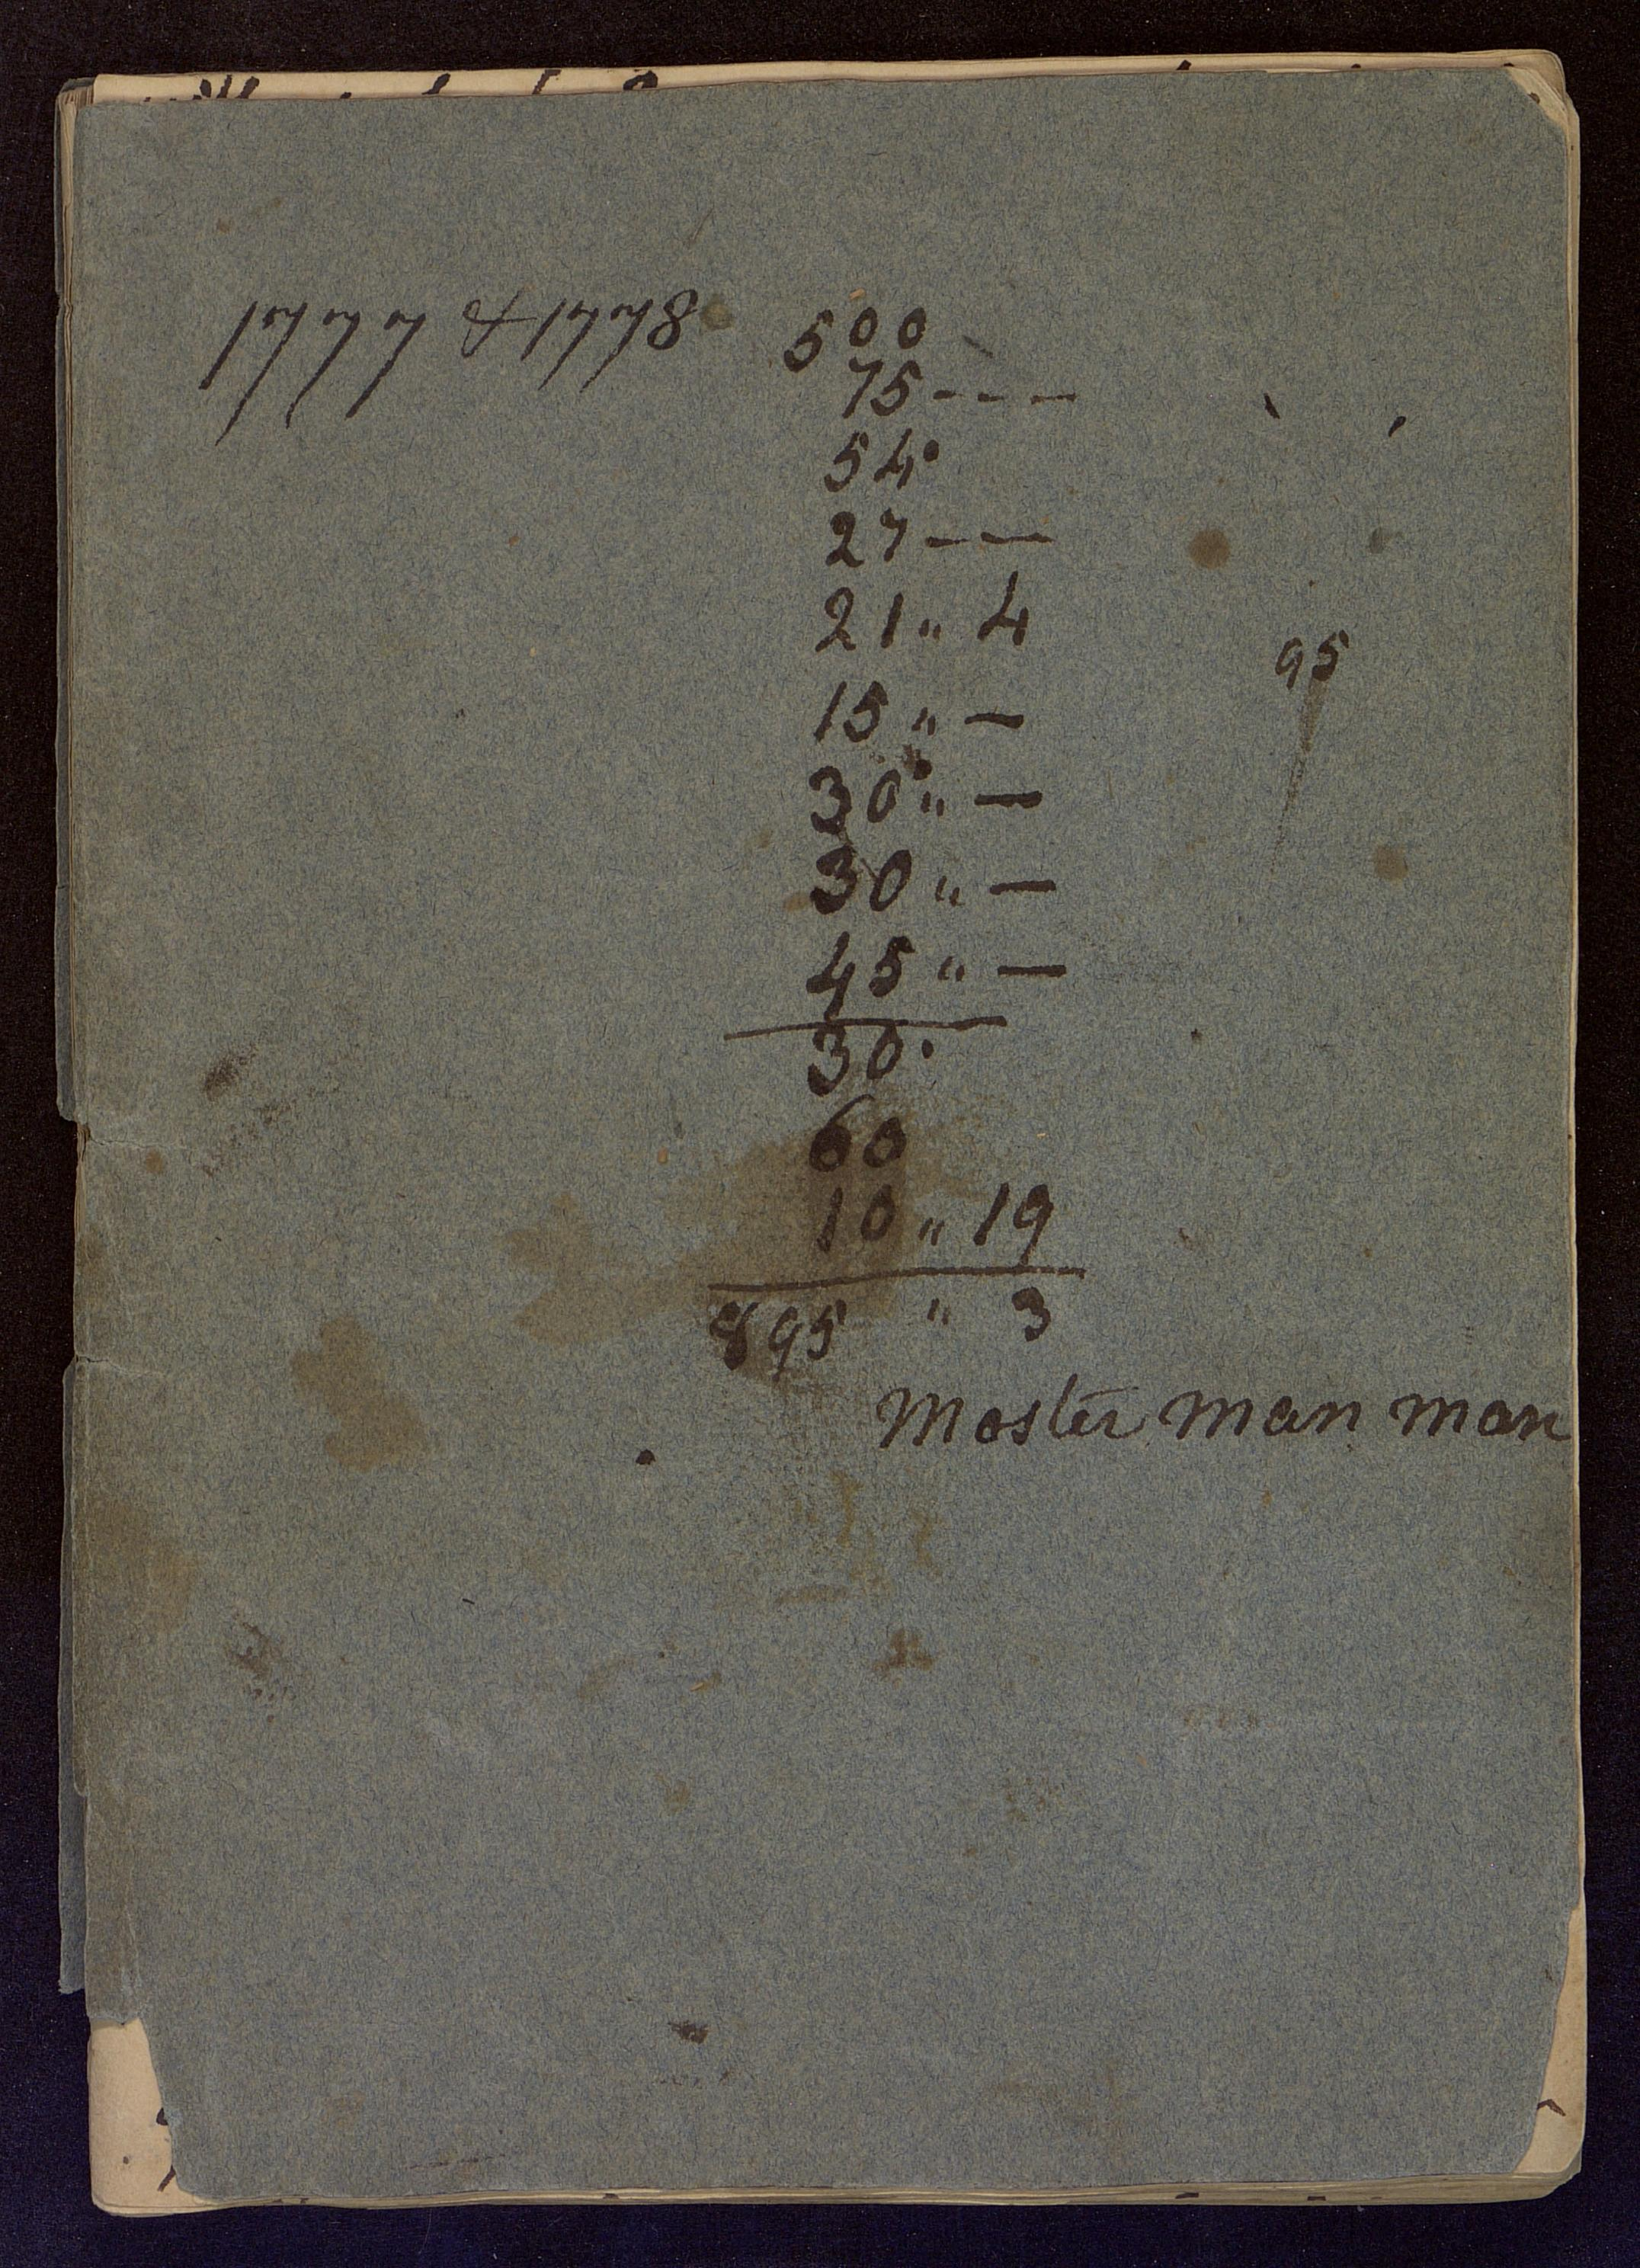1777 & 1778
500
75---
54
27--
21 .. 4
15 ..-
95
30..-
30 ..-
45..-
30
60
10..19
895..3
Master Man Man